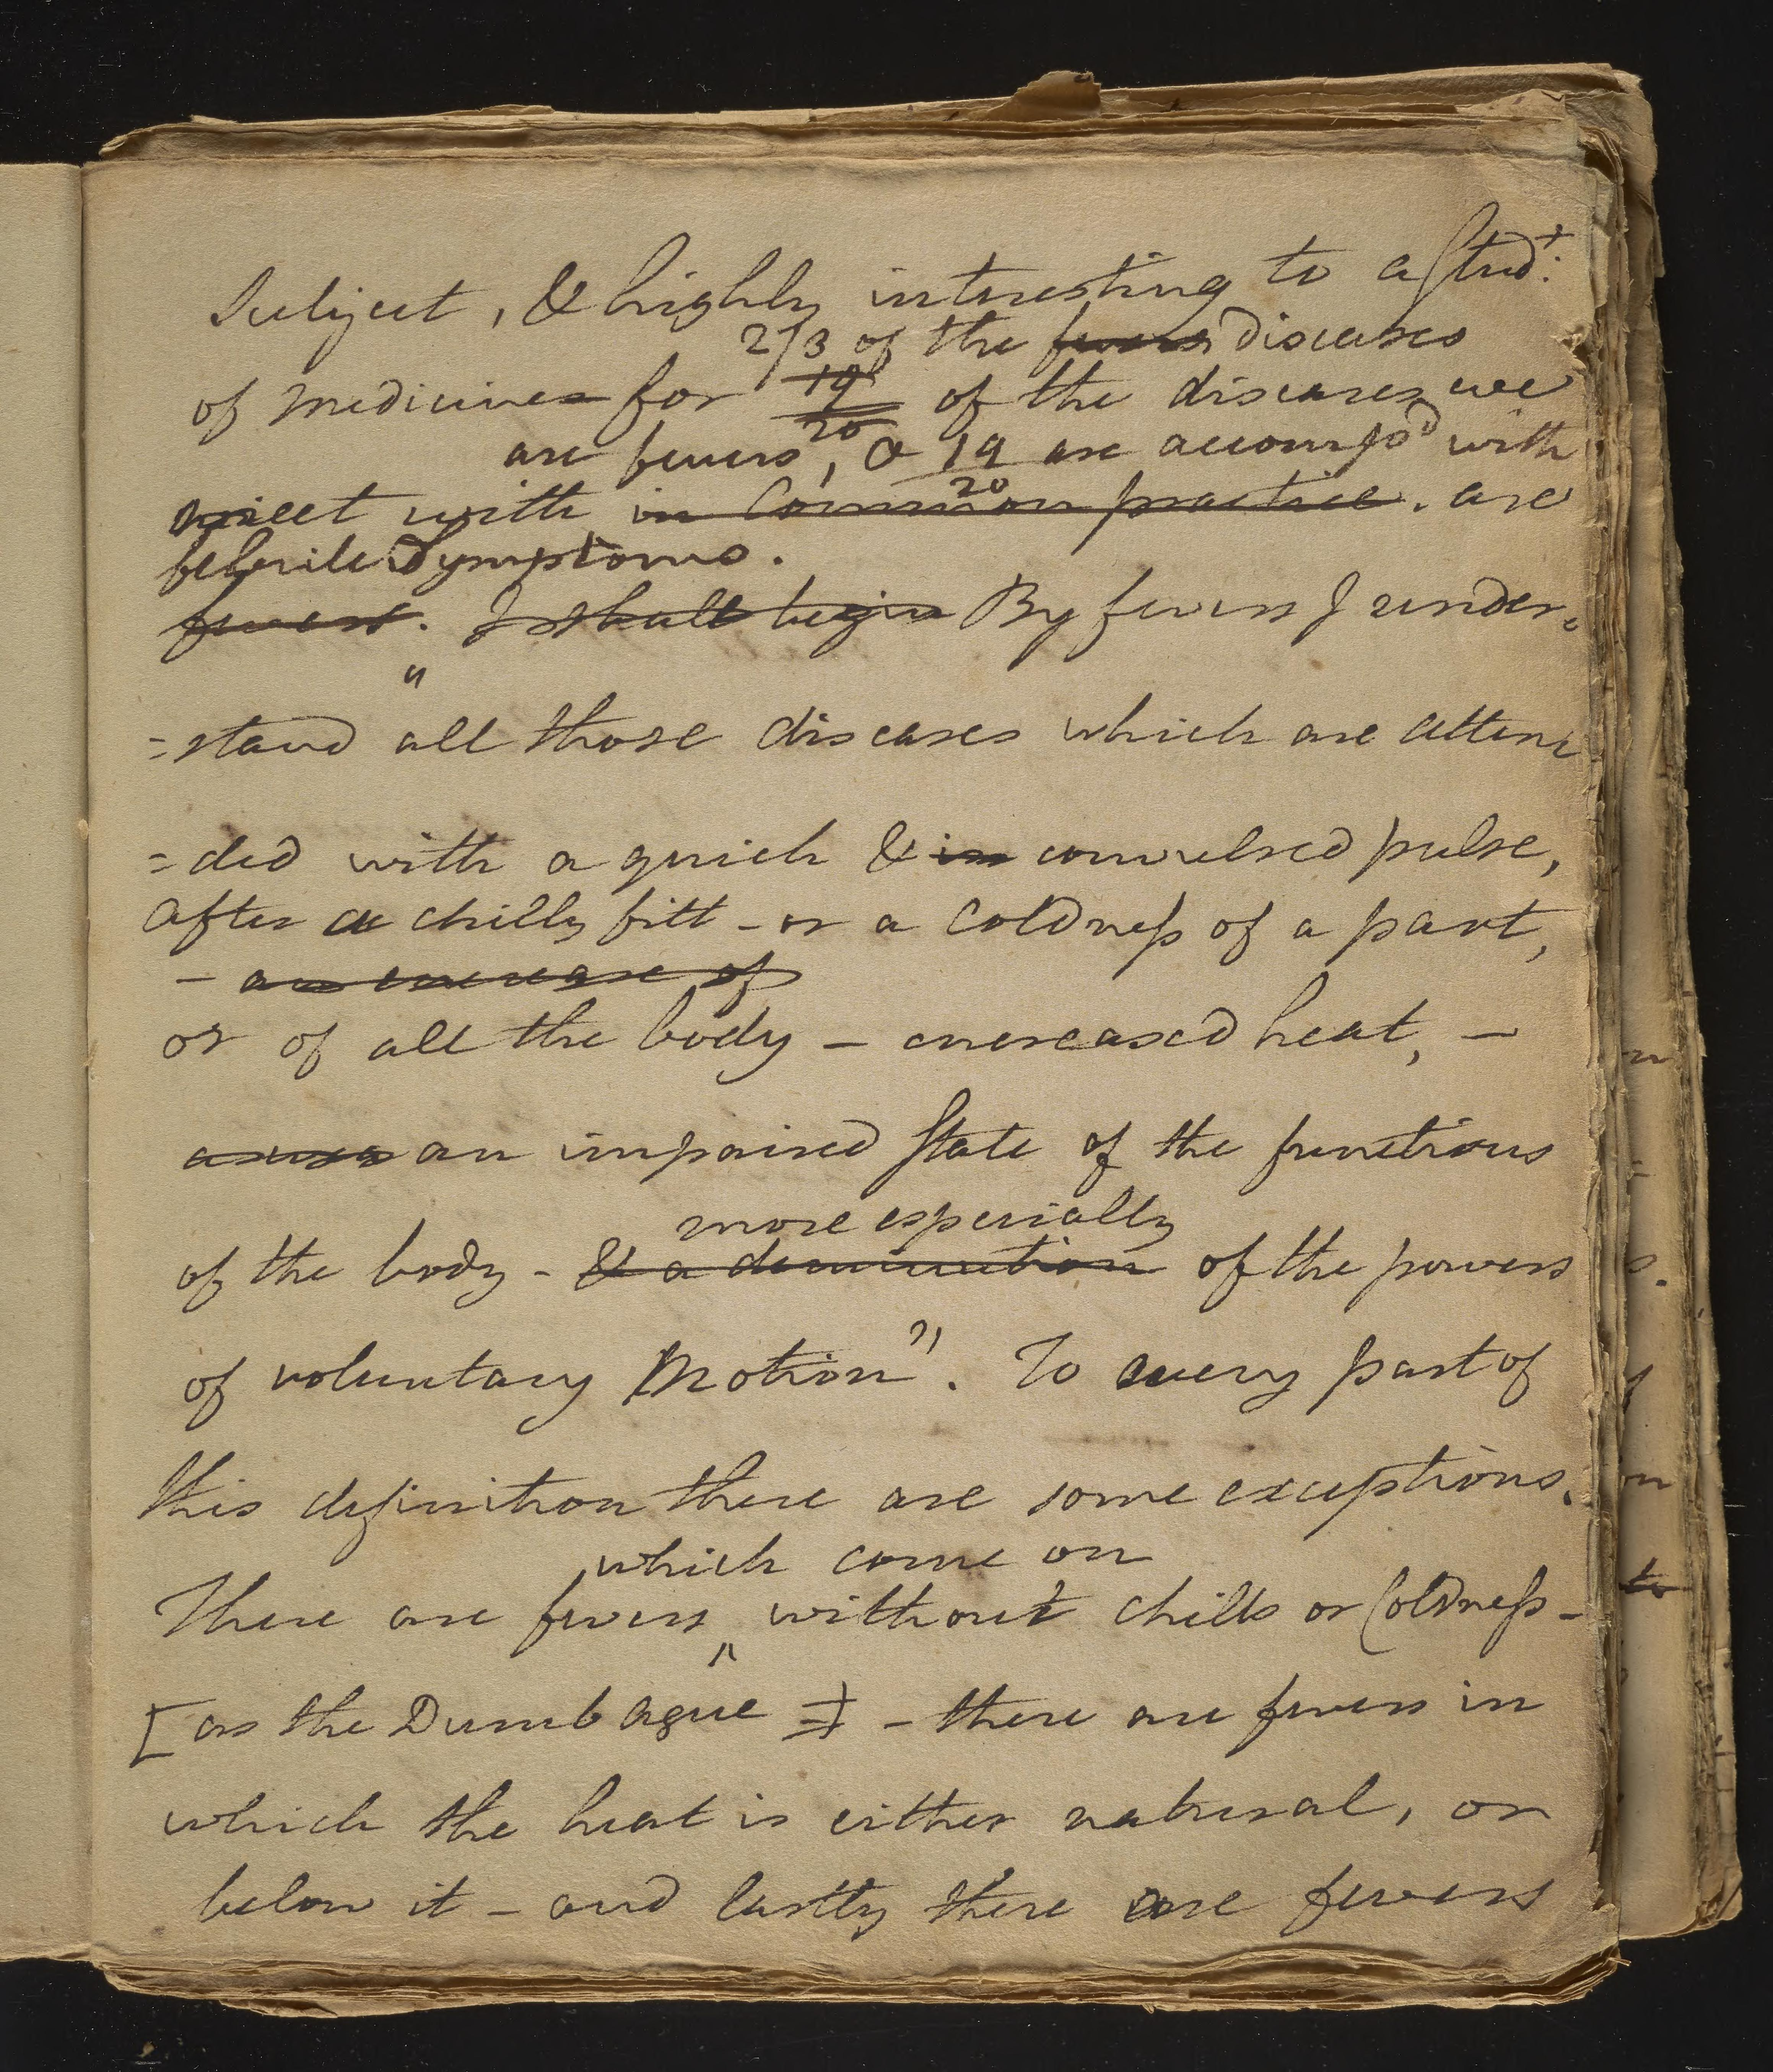subject, & highly interesting to a stud^t:
2/3 of the [fevers] diseases
of medicines for [19/20] of the diseases we
are fevers, & 19/20 are accomp^d with
expect with [in Common practice]. are
febrile symptoms
[fevers]. [I shall begin] By fevers I under-
-stand all those diseases which are atten-
-ded with a quick & [in] convulsed pulse,
after a chilly fitt- or a coldness of a part
or of all the body- increased heat,
[_____] an impaired state of the frenetrious
more especially
of the body- [& a determination] of the powers
of voluntary motion. To every part of
this definition there are some exceptions
which come on
there are fevers ^ without chills or coldness-
(as the dumb ague)- there are fevers in
which the heat is either natural, or
below it, and lastly there are fevers